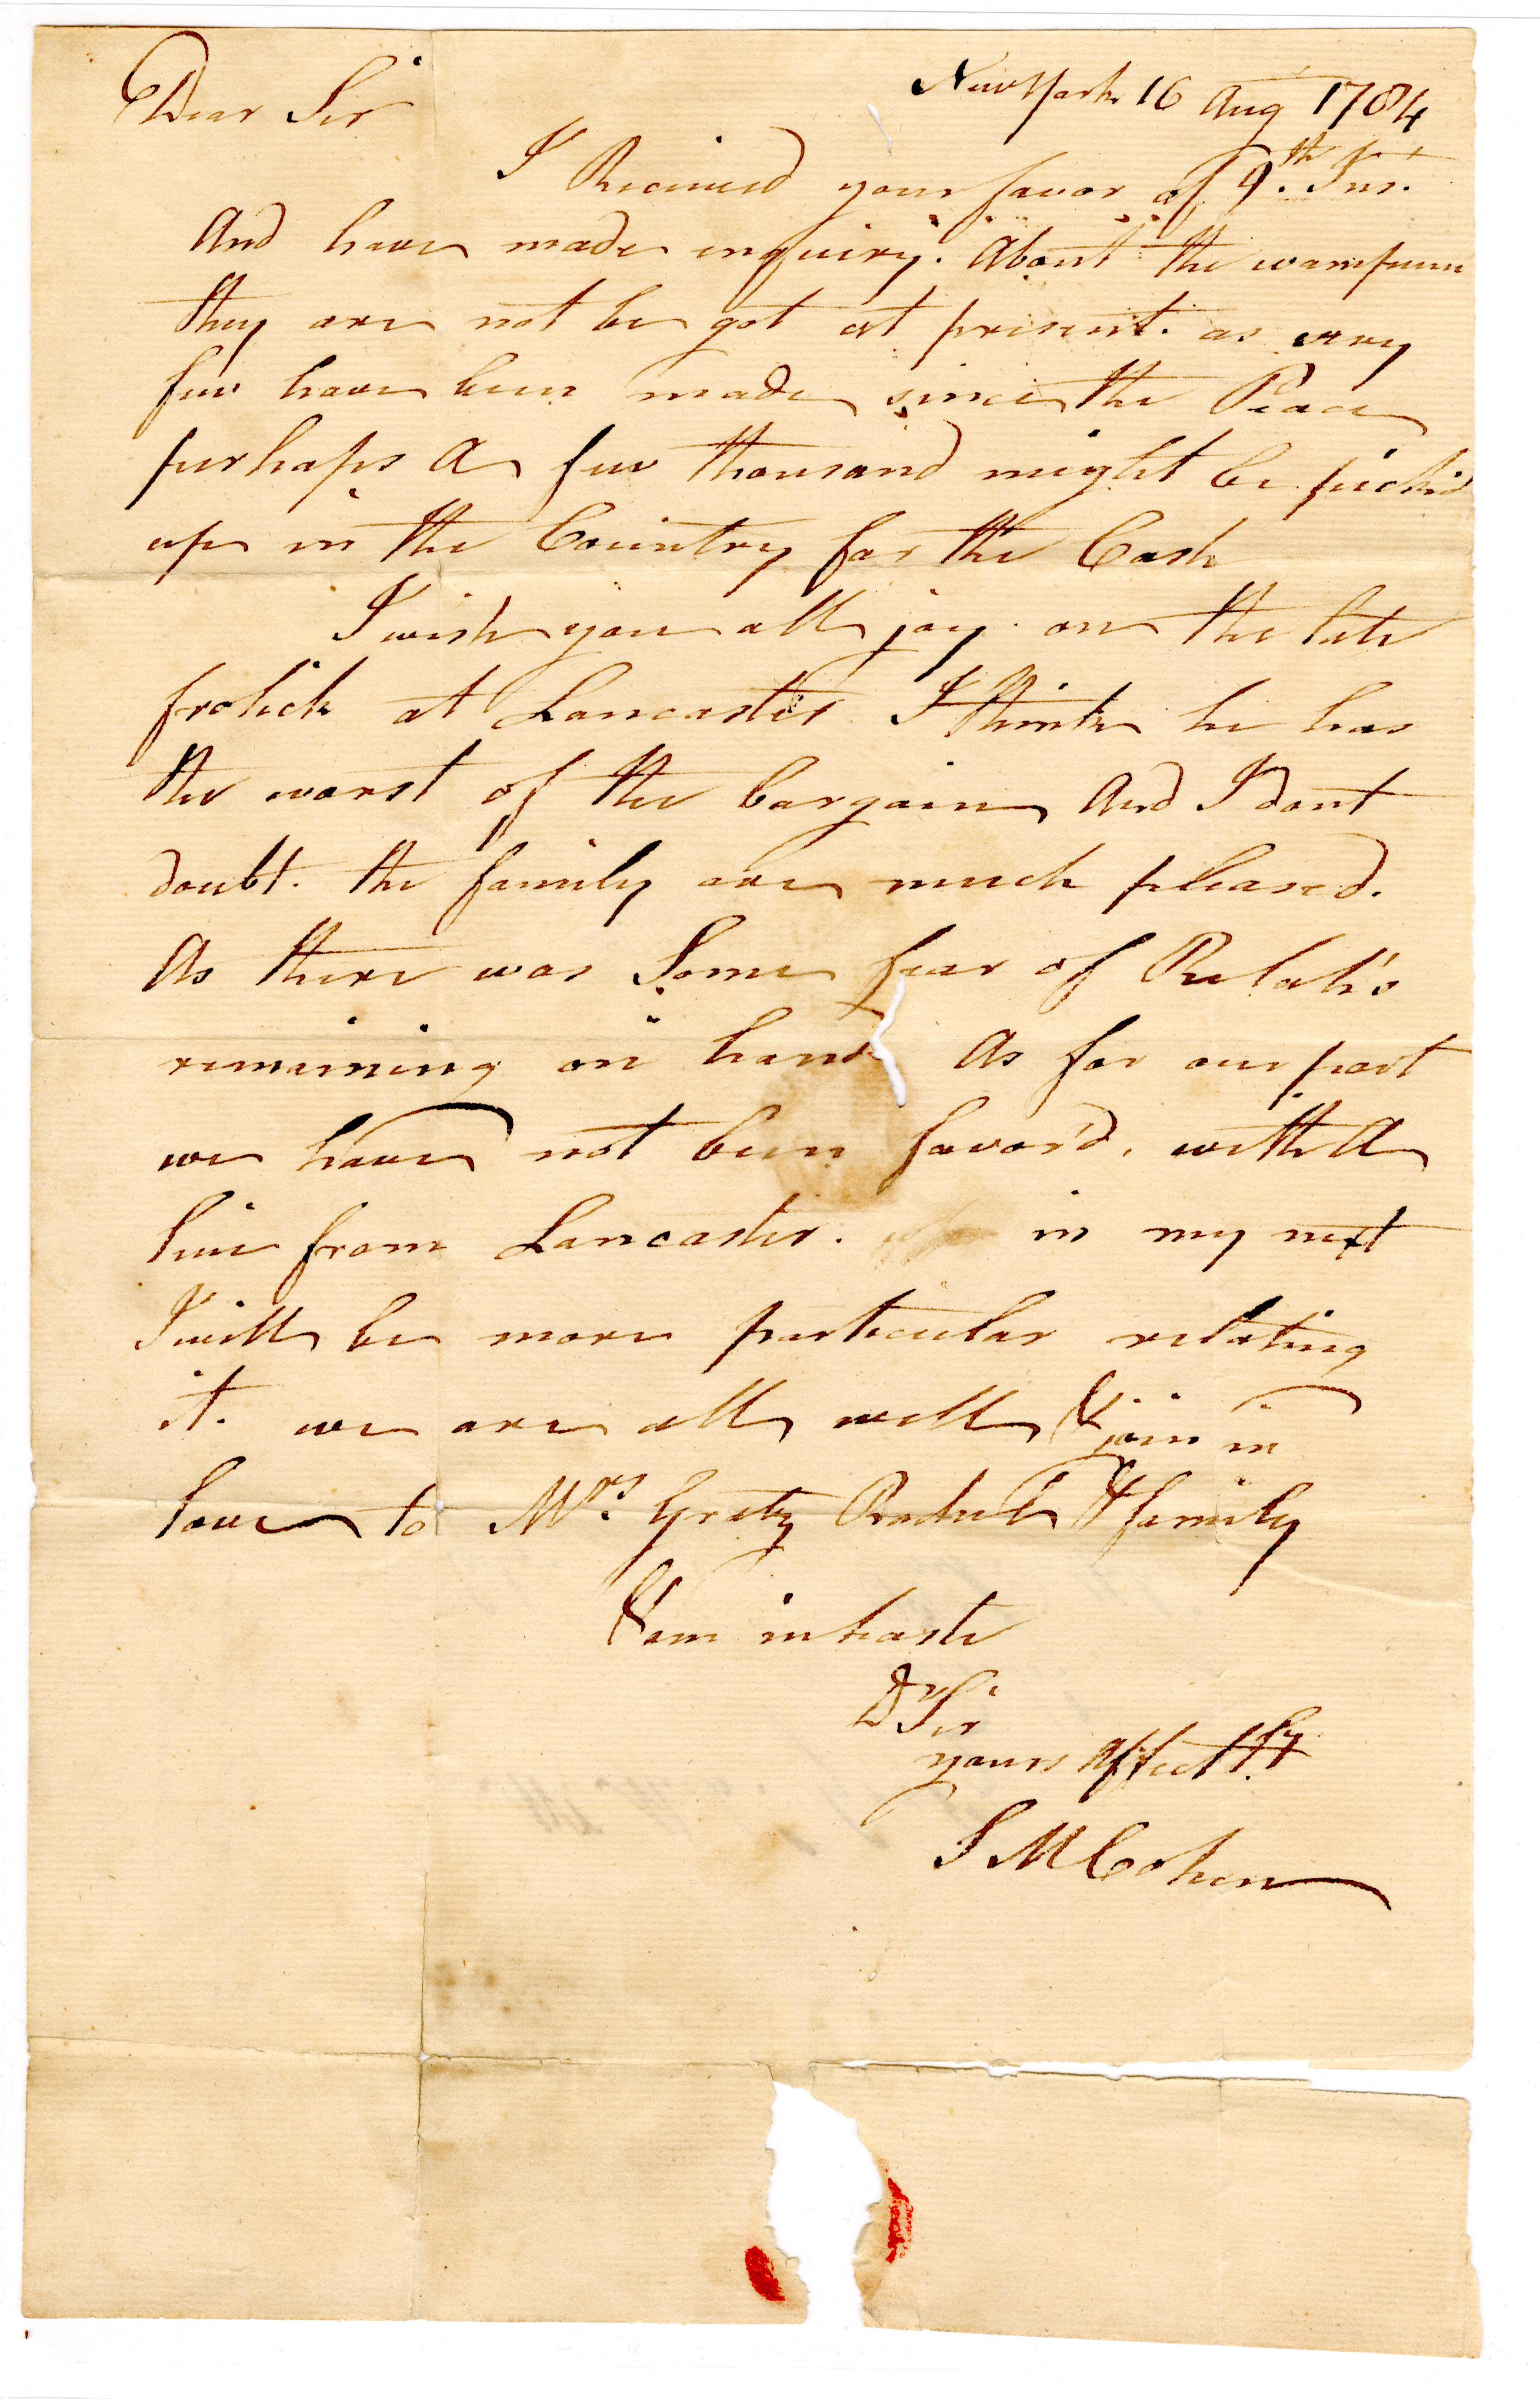New York 16 Aug^t 1784
Dear Sir
I Received, your favor of 9^th Ins^t.
and have made inquiry. about the wampum
they are not be got at present as very
few have been made since the Peace
perhaps a few thousand might be pick'd
up in the country for the Cash
I wish you all joy on the late
frolick at Lancaster I think he has
the worst of the Bargain, And I dont
doubt. the family are much pleased.
to there was Some fear of Relah's
remaining on hand.- As for our past
we have not been favor'd, with a
line from Lancaster.- [___] in my next
I will be more particular relating
it. we are all well & join in
love to M^rs. Gratz Rachel & family
& am in haste
D^r Sir
your Affect^t
S M Cohen